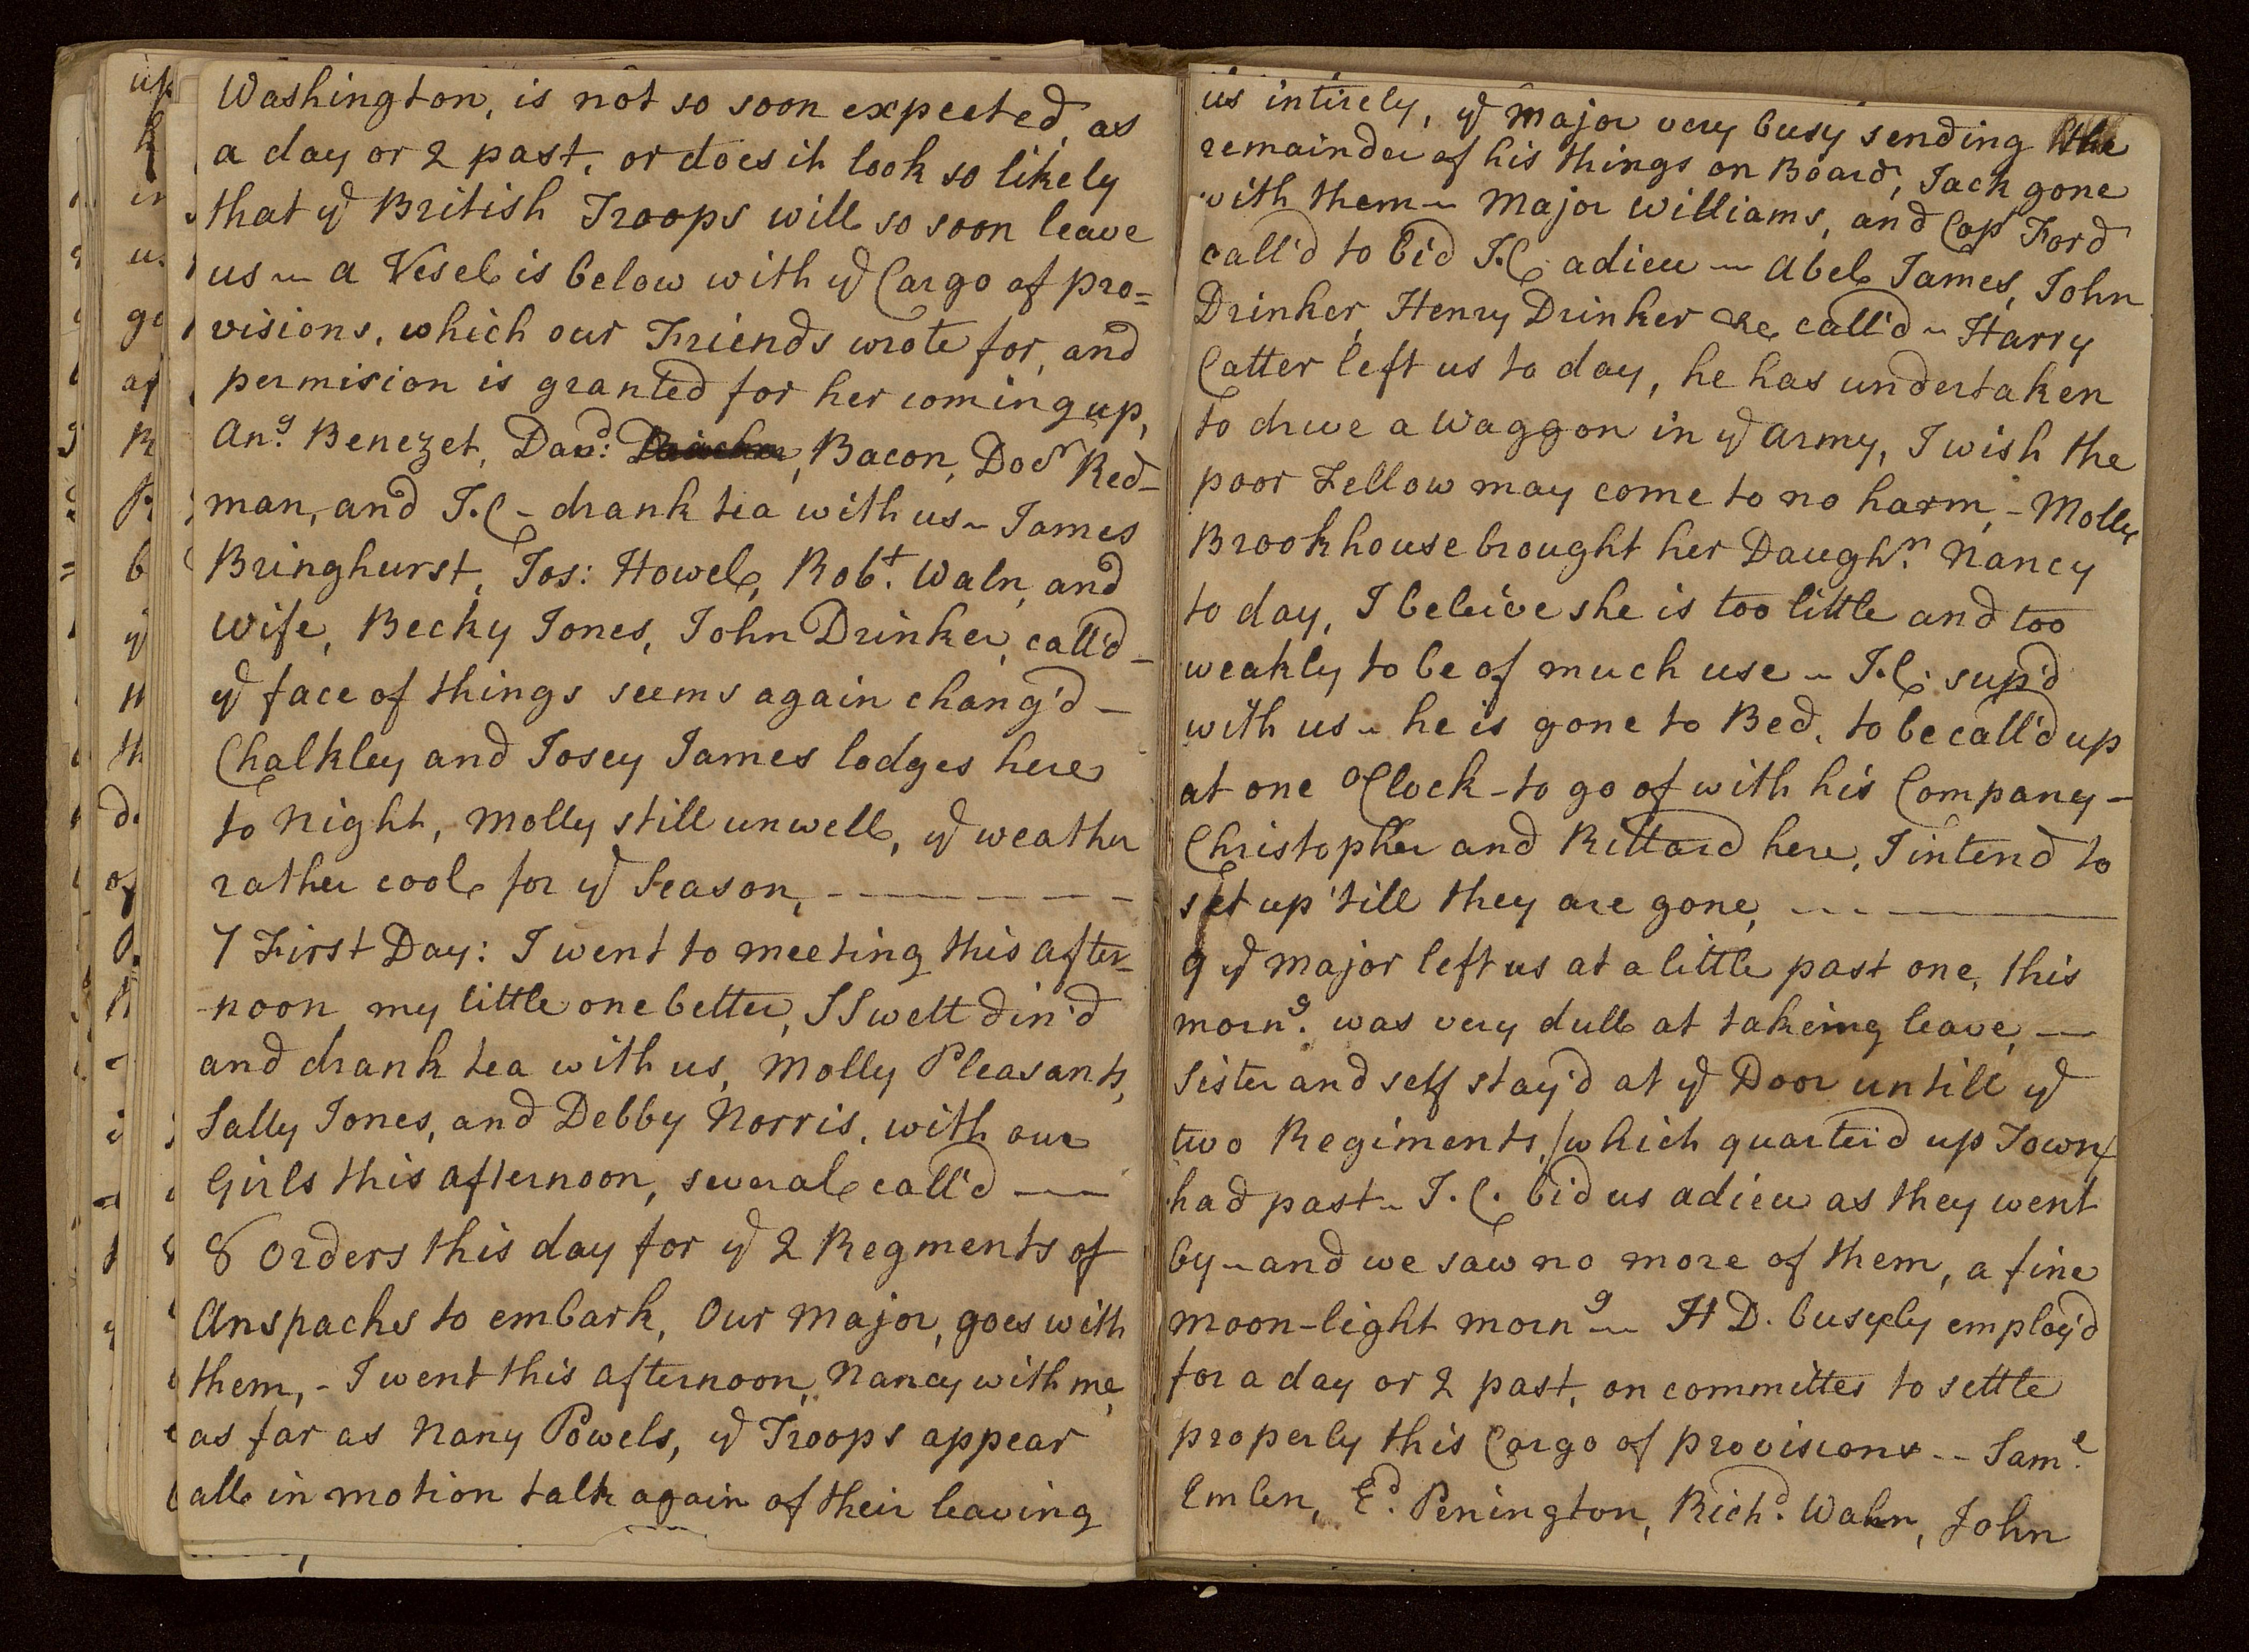Washington, is not so soon expected as
a day or 2 past, or does it look so likely
that y^e British Troops will so soon leave
us- a Vesel is below with y^e Cargo of pro-
visions, which our Friends wrote for, and
permision is granted for her coming up,
An^y. Benezet, Dav^d: [Drinker], Bacon, Doc^r Red-
man, and J.C- drank tea with us- James
Bringhurst, Jos: Howel, Rob^t. Waln, and
Wife, Becky Jones, John Drinker, call'd-
y^e face of things seems again chang'd-
Chalkley and Josey James lodges here
to Night, Molly still unwell, y^e weather
rather cool for y^e Season,-- - --
7 First Day: I went to meeting this after-
-noon my little one better, S Swett din'd
and drank tea with us, Molly Pleasants
Sally Jones, and Debby Norris, with our
Girls this afternoon, several call'd-
8 orders this day for y^e 2 Regments of
Anspachs to embark, our major, goes with
them,- I went this afternoon, Nancy with me,
as far as Nany Powels, y^e Troops appear
all in motion talk again of their leaving
us intirely, y^e Major very busy sending the
remainder of his things on Board, Jack gone
with them- Major Williams, and Capt Ford
call'd to bid J.C adieu- Abel James, John
Drinker Henry Drinker &c call'd- Harry
Catter left us to day, he has undertaken
to drive a waggon in y^e army, I wish the
poor Fellow may come to no harm,- Molly
Brookhouse brought her Daugh^r. Nancy
to day, I beleive she is too little and too
weakly to be of much use- J.C. sup'd
with us- he is gone to Bed, to be call'd up
at one ^o Clock-to go of with his Company-
Christopher and Rittard here, I intend to
set up till they are gone--
9 y^e major left us at a little past one, this
morn^g. was very dull at takeing leave-
Sister and self stay'd at y^e Door untill y^e
two Regiments, /which quarter'd up Town/
had past- T. C. bid us adieu as they went
by- and we saw no more of them, a fine
moon- light morn^g- H D. busyely employ'd
for a day or 2 past, on committes to settle
properly this Cargo of provisions-- Sam.^l
Emlen, E^d. Penington, Rich^d. Waln, John